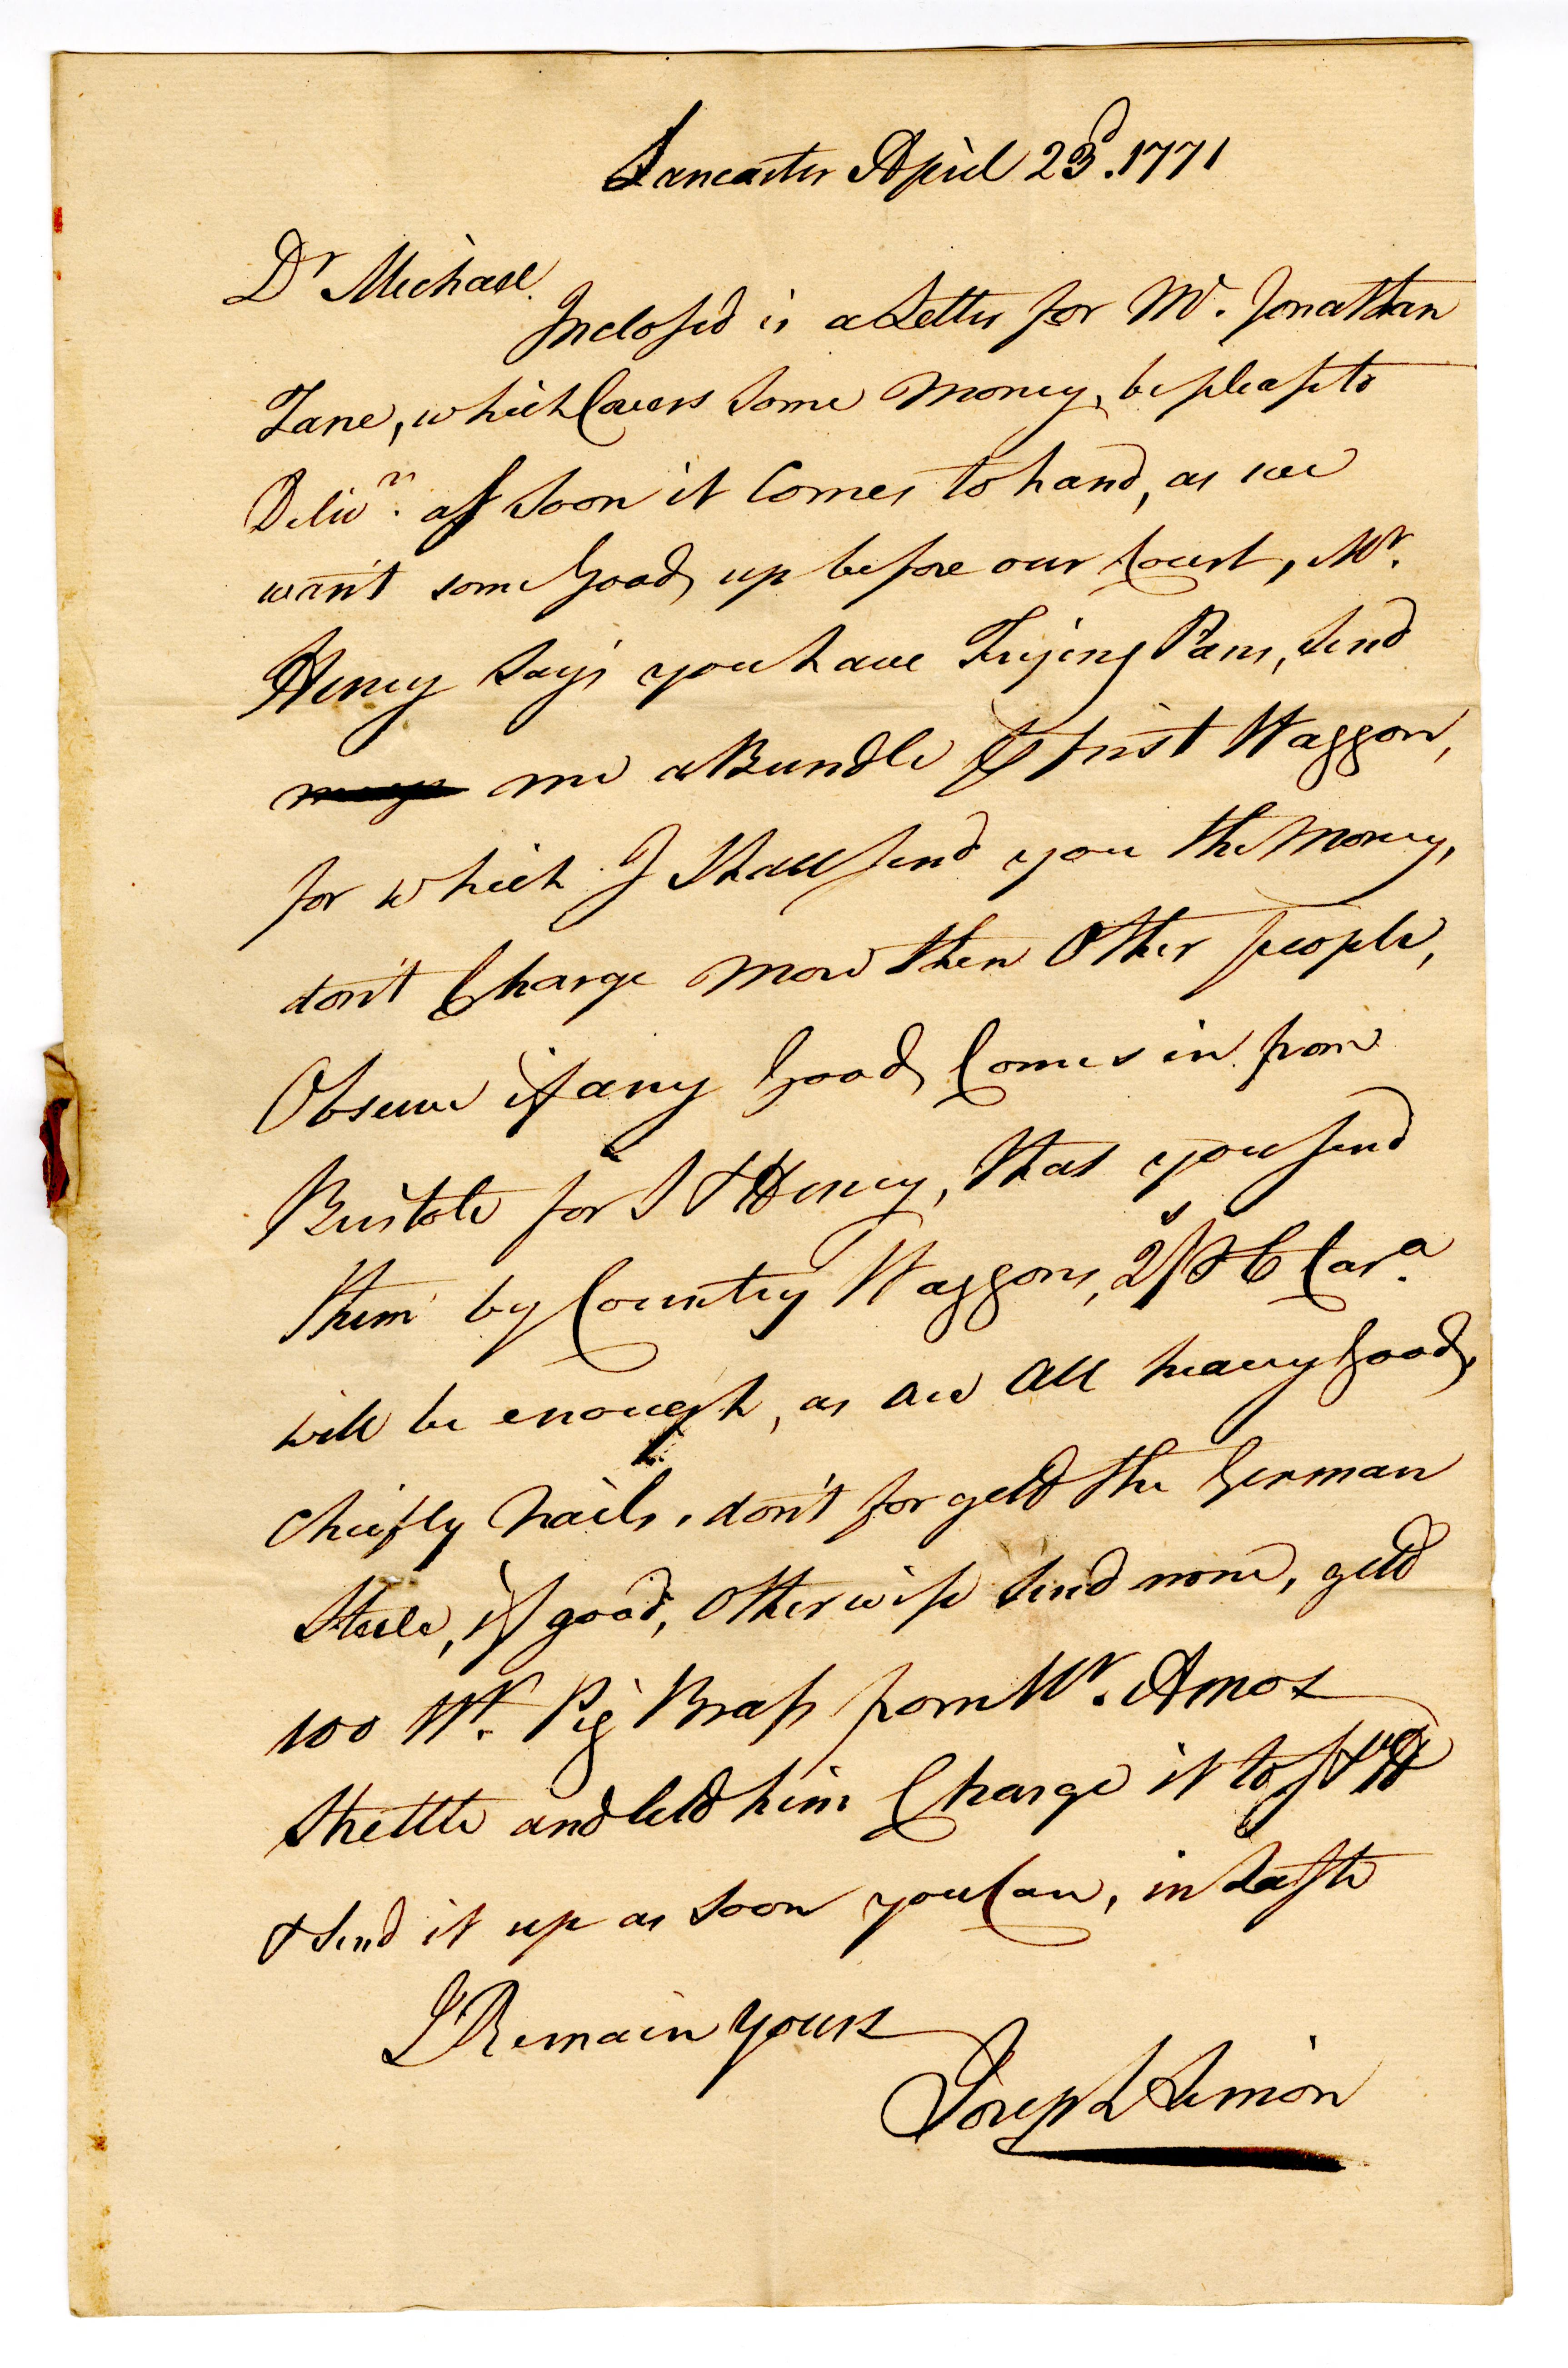Lancaster April 23^d. 1771
D^r Michael
Inclosed is a Letter for M^r. Jonathan
Lane, which Covers Some Money, be please to
Deliv^r. as soon it comes to hand, as we
want som Goods up before our Court, M^r.
Henry says you have Frying Pans, send
[___] me a bunble per first Waggon,
for which I Shall Send you the money,
don't Charge more then Other people,
Observe if any Goods Comes in from
Bristole for J S Henry, that you send
them by Country Waggon, 2 per C Car^a.
will be enough, as are All heavy goods
cheifly nails, don't forgetd the German
Steele, if good, otherwise send more, getd
100 M^r Pig Brass from Mr. Amos-
Shettle and letd him Charge it to J & H
& send it up as soon you can, in last
I Remain yours
Joseph Simon